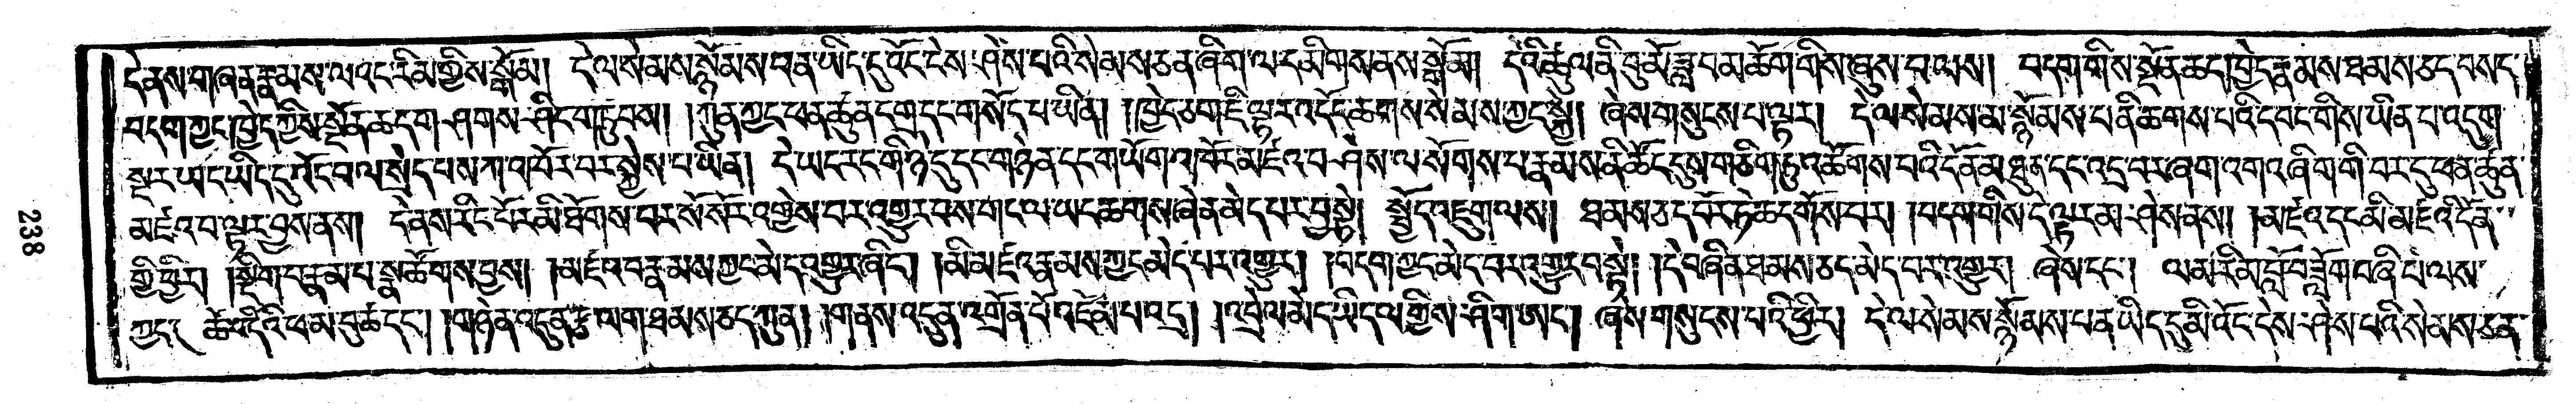དེ་ནས་གཞན་རྣམས་ལའང་རིམ་གྱིས་སྒོམ། དེ་ལ་སེམས་སྙོམས་བ་ཉིད་དུ་འོང་ངེས་ཤེས་པའི་སེམས་ཅན་ཞིག་ལ་དམིགས་ནས་སྒོམ། དེའི་ཚུལ་ནི་བུ་མོ་ཟླ་བ་མཆོག་གིས་ཞུགས་བ་ལས། བདག་གིས་སྔོན་ཆད་ཁྱེད་རྣམས་ཐམས་ཅད་བསད་
བདག་ཀྱང་ཁྱེད་ཀྱིས་སྔོན་ཆད་གཤགས་ཤིང་གཏུབས། །ཀུན་ཀྱང་ཕན་ཚུན་དགྲ་དང་གསོད་པ་ཡིན། །ཁྱེད་ཅག་ཇི་ལྟར་འདོད་ཆགས་སེམས་ཀྱང་སྐྱེ། ཞེས་གསུངས་པ་ལྟར། དེ་ལ་སེམས་མ་སྙོམས་པ་ནི་ཆགས་པའི་དབང་གིས་ཡིན་བ་འདུག་
སྔར་ཡང་ཡིད་དུ་འོང་བ་ལ་སྲེད་པས་ཀ་འཁོར་བར་སྐྱེས་པ་ཡིན། དེ་ཡང་རང་གི་ཉེ་དུ་དང་གཉེན་དང་གཡོག་འཁོར་མཛའ་བཤེས་ལ་སོགས་པ་རྣམས་ནི་ཚོང་དུས་གཅིག་ཏུ་འཚོགས་པའི་དོན་མཐུན་དང་འདྲ་བར་ཞག་འགའ་ཞིག་གི་བར་དུ་ཕན་ཚུན་
མཛའ་བ་ལྟར་བྱས་ནས། དེ་ནས་རིང་པོར་མི་ཐོགས་བར་སོ་སོར་འགྱེས་བར་འགྱུར་བས་གང་ལ་ཡང་ཆགས་ཞེན་མེད་པར་བྱ་སྟེ། སྤྱོད་འཇུག་ལས། ཐམས་ཅད་བོར་ཏེ་ཆ་དགོས་པར། །བདག་གིས་དེ་ལྟར་མ་ཤེས་ནས། །མཛའ་དང་མི་མཛའི་དོན་
གྱི་ཕྱིར། །སྡིག་པ་རྣམ་པ་སྣ་ཚོགས་བྱས། །མཛའ་བ་རྣམས་ཀྱང་མེད་འགྱུར་ཞིང་། །མི་མཛའ་རྣམས་ཀྱང་མེད་པར་འགྱུར། །བདག་ཀྱང་མེད་བར་འགྱུར་བ་སྟེ། །དེ་བཞིན་ཐམས་ཅད་མེད་བར་འགྱུར། ཞེས་དང་། ལམ་རིམ་བློ་བཟློག་བཞི་པ་ལས་
ཀྱང༑ ཚེ་འདིའི་ཕ་མ་བུ་ཚ་དང་། །གཉེན་འདུན་རྩ་ལག་ཐམས་ཅད་ཀུན། །གནས་འདུན་འགྲོན་པོ་འཇོམ་པ་འདྲ། །འབྲེལ་མེད་ཡིད་ལ་གྱིས་ཤིག་དང་། ཞེས་གསུངས་པའི་ཕྱིར། དེ་ལ་སེམས་སྙོམས་པན་ཡིད་དུ་མི་འོང་དེས་ཤེས་པའི་སེམས་ཅན་